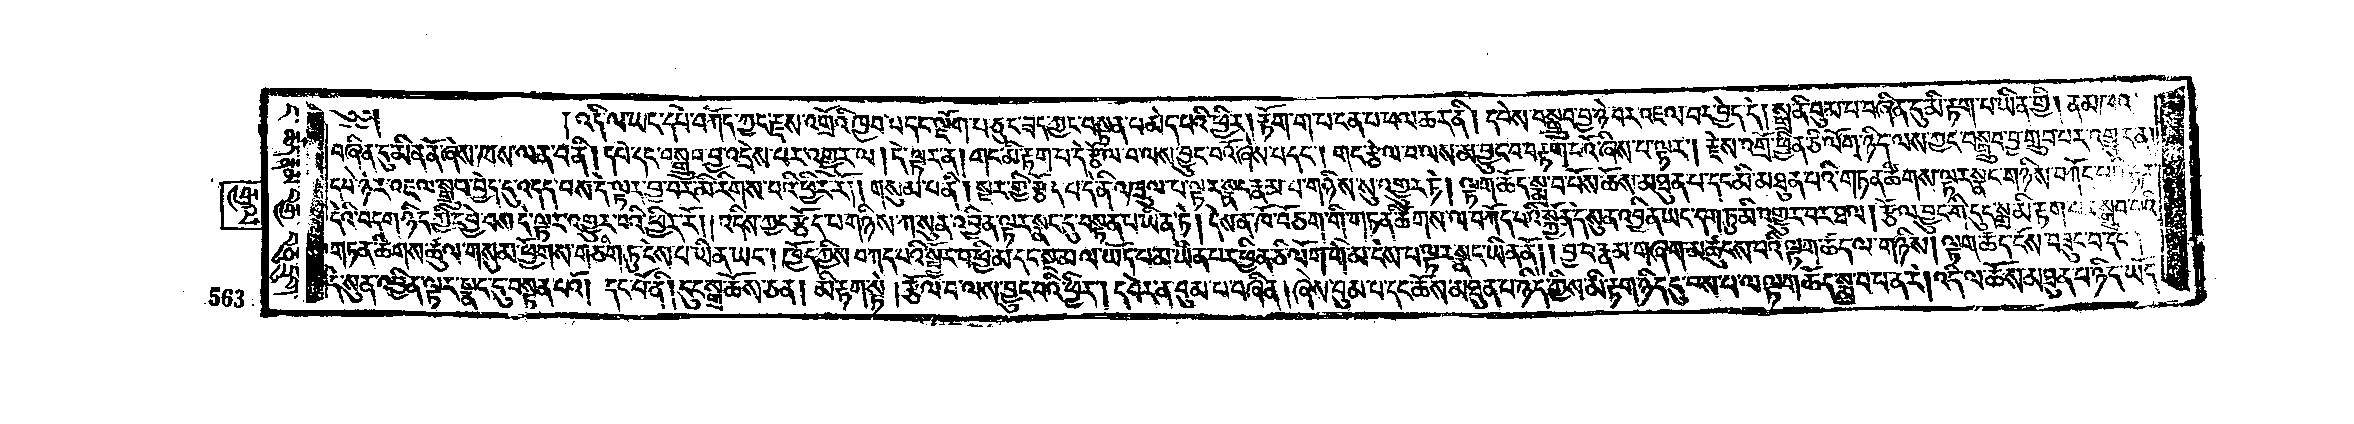༄༅། །འདི་ལ་ཡང་དཔེ་བཀོད་ཀྱང་རྗེས་འགྲོའི་ཁྱབ་པ་དང་ལྡོག་པ་ཅུང་ཟད་ཀྱང་བསྟན་པ་མེད་པའི་ཕྱིར། རྟོག་ག་པ་ངན་པ་ཕལ་ཆར་ནི། དཔེས་བསྒྲུབ་བྱ་ཉེ་བར་འཇལ་བར་བྱེད་དེ། སྒྲ་ནི་བུམ་པ་བཞིན་དུ་མི་རྟག་པ་ཡིན་གྱི། ནམ་མཁའ་
བཞིན་དུ་མིན་ནོ་ཞེས་ཁས་ལན་པ་ནི། དཔེ་དང་བསྒྲུབ་བྱ་འདྲེས་པར་འགྱུར་ལ། དེ་ལྟར་ན། གང་གི་རྟག་པ་དེ་རྩོལ་བ་ལས་བྱུང་བའོ་ཞེས་པ་དང་། གང་རྩོལ་བ་ལས་མ་བྱུང་བ་བརྟག་པའོ་ཞེས་པ་ལྟར། རྗེས་འགྲོ་ཕྱིན་ཅི་ལོག་ཉིད་ལས་ཀྱང་བསྒྲུབ་བྱ་གྲུབ་པར་འགྱུར་ན།
དཔེ་ཉེར་འཇལ་སྒྲུབ་བྱེད་དུ་འདོད་པས་དེ་ལྟར་བྱ་བར་མི་རིགས་པའི་ཕྱིར་རོ། །གསུམ་པ་ནི། སྔར་གྱི་རྩོད་པ་དེ་ནི་འཁྲུལ་པ་ལྟར་སྣང་རྣམ་པ་གཉིས་སུ་འགྱུར་ཏེ། ལྟག་ཆོད་སྒྲ་པ་པོས་ཆོས་མཐུན་པ་དང་མི་མཐུན་པའི་གཏན་ཚིགས་ལྟར་སྣང་གཉིས་བཀོད་པའི་རྟགས་
དེའི་བདག་ཉིད་ཀྱི་དབྱེ་བས་དེ་ལྟར་འགྱུར་བའི་ཕྱིར་རོ། །འདིས་ཀྱང་རྩོད་པ་གཉིས་ཀ་སུན་འབྱིན་ལྟར་སྣང་དུ་བསྟན་པ་ཡིན་ཏེ། དེས་ན་ཁོ་བོ་ཅག་གི་གཏན་ཚིགས་ལ་བཀོད་པའི་སྐྱོན་དེ་སུན་འབྱིན་ཡང་དག་ཏུ་མི་འགྱུར་བར་ཐལ། རྩོལ་བྱུང་གི་དུང་སྒྲ་མི་རྟག་པར་སྒྲུབ་པའི་
གཏན་ཚིགས་ཚུལ་གསུམ་ཕྱོགས་གཅིག་ཏུ་ངེས་པ་ཡིན་ཡང་། ཁྱོད་ཀྱིས་བཀོད་པའི་སྦྱོར་བ་ཕྱི་མ་དང་སྔ་མ་ལ་ཡོད་པ་མ་ཡིན་པར་ཕྱིན་ཅི་ལོག་གི་མ་ངེས་པ་ལྟར་སྣང་ཡིན་ནོ། །བྱ་བ་རྣམ་གཞག་མཚུངས་པའི་ལྟག་ཚད་ལ་གཉིས། ལྟག་ཚོད་ངོས་བཟུང་བ་དང་།
དེ་སུན་འབྱིན་ལྟར་སྣང་དུ་བསྟན་པའོ། །དང་པོ་ནི། དུང་སྒྲ་ཆོས་ཅན། མི་རྟག་སྟེ། རྩོལ་བ་ལས་བྱུང་བའི་ཕྱིར། དཔེར་ན་བུམ་པ་བཞིན། ཞེས་བུམ་པ་དང་ཆོས་མཐུན་པ་ཉིད་ཀྱིས་མི་རྟག་ཉིད་དུ་བས?་པ་ལ་ལྟག་ཆོད་སྨྲ་བ་པ་ན་རེ། འདི་ལ་ཆོས་མཐུན་པ་ཉིད་ཡོད་